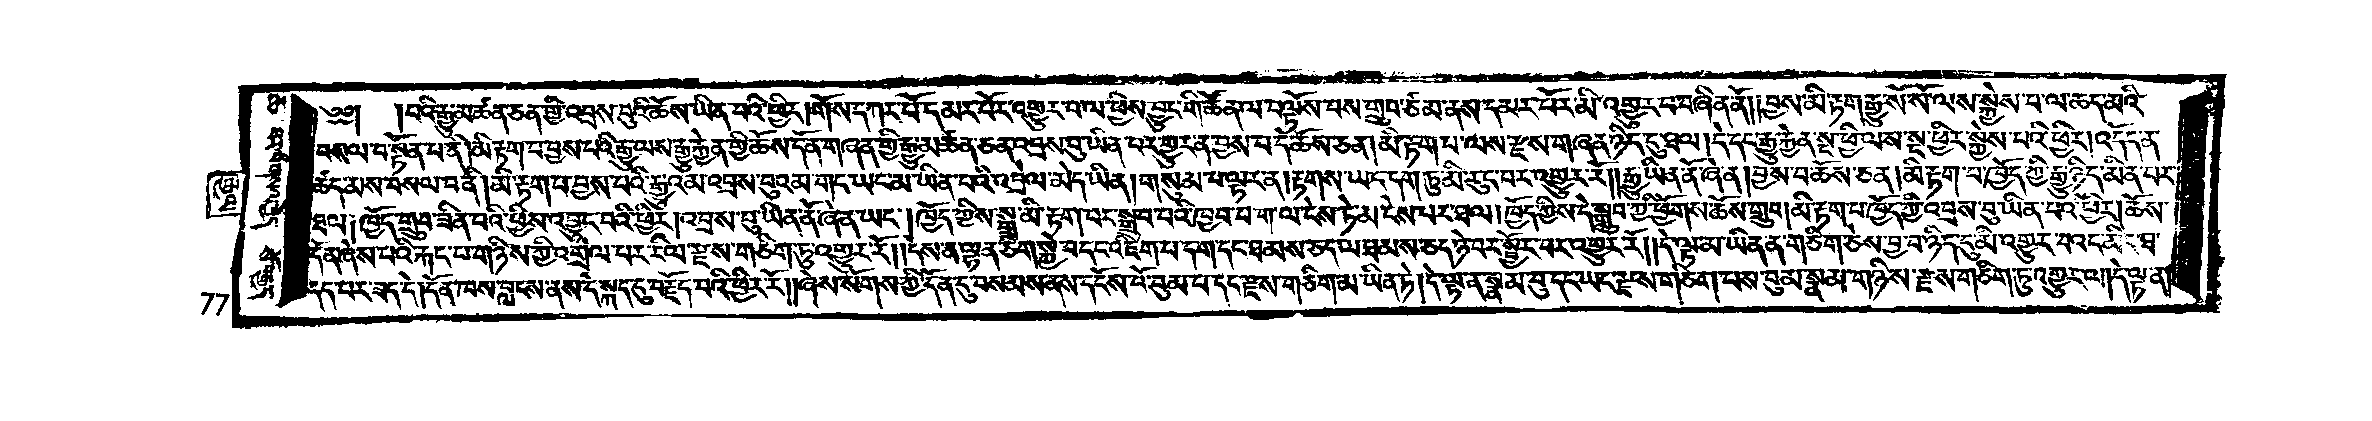༄༅། །པའི་རྒྱུ་མཚན་ཅན་གྱི་འབྲས་བུའི་ཆོས་ཡིན་པའི་ཕྱིར། གོས་དཀར་པོ་དམར་པོར་འགྱུར་བ་ལ་ཕྱིས་བྱུང་གི་ཚོན་ལ་བལྟོས་པས་གྲུབ་ཙམ་ནས་དམར་པོར་མི་འགྱུར་བ་བཞིན་ནོ། །བྱས་མི་རྟག་རྒྱུ་སོ་སོ་ལས་སྐྱེས་པ་ལ་ཆད་མའི་
བསལ་བ་སྟོན་པ་ནི། མི་རྟག་པ་བྱས་པའི་རྒྱུ་ལས་རྒྱུ་རྐྱེན་གྱི་ཆོས་དོན་གཞན་གྱི་རྒྱུ་མཚན་ཅན་འབྲས་བུ་ཡིན་པར་གྱུར་ན་བྱས་པ་དེ་ཆོས་ཅན། མི་རྟག་པ་ལས་རྫས་གཞན་ཉིད་དུ་ཐལ། དེ་དང་རྒྱུ་རྐྱེན་སྔ་ཕྱི་ལས་སྔ་ཕྱིར་སྐྱེས་པའི་ཕྱིར། འདོད་ན་
ཚད་མས་བསལ་བ་ནི། མི་རྟག་པ་བྱས་པའི་རྒྱུ་འམ་འབྲས་བུའམ་གང་ཡང་མ་ཡིན་པའི་འབྲེལ་མེད་ཡིན། གསུམ་པ་ལྟར་ན། རྟགས་ཡང་དག་ཏུ་མི་རུང་བར་འགྱུར་རོ། །རྒྱུ་ཡིན་ནོ་ཞེ་ན། བྱས་པ་ཆོས་ཅན། མི་རྟག་པ་ཁྱོད་ཀྱི་རྒྱུ་ཉིད་མིན་པར་
ཐལ། ཁྱོད་གྲུབ་ཟིན་པའི་ཕྱིས་འབྱུང་བའི་ཕྱིར། འབྲས་བུ་ཡིན་ནོ་ཞེ་ན་ཡང་། ཁྱོད་ཀྱིས་སྒྲ་མི་རྟག་པར་སྒྲུབ་པའི་ཁྱབ་པ་ག་ལ་ངེས་ཏེ་མ་ངེས་པར་ཐལ། ཁྱོད་ཀྱིས་དེ་སྒྲུབ་ཀྱི་ཕྱོགས་ཆོས་གྲུབ། མི་རྟག་པ་ཁྱོད་ཀྱི་འབྲས་བུ་ཡིན་པའི་ཕྱིར། ཆོས་
དོན་ཞེས་པའི་རྐང་པ་གཉིས་ཀྱི་འགྲེལ་པར་རིལ་རྫས་གཅིག་ཏུ་འགྱུར་རོ། །དེས་ན་ལྷན་ཅིག་སྐྱེ་བ་དང་འཇིག་པ་དག་དང་ཐམས་ཅད་ལ་ཐམས་ཅད་ཉེ་བར་སྦྱོར་བར་འགྱུར་རོ། །དེ་ལྟ་མ་ཡིན་ན་གཅིག་ཅེས་བྱ་བ་ཉིད་དུ་མི་འགྱུར་བའང་མིང་ཐ་
དད་པར་ཟད་དེ། དོན་ཁས་བླངས་ནས་དེ་སྐད་དུ་བརྗོད་པའི་ཕྱིར་རོ། །ཞེས་སོགས་ཀྱི་དོན་དུ་བསམས་ནས་དངོས་པོ་བུམ་པ་དང་རྫས་གཅིག་མ་ཡིན་ཏེ། དེ་ལྟ་ན་སྣམ་བུ་དང་ཡང་རྫས་གཅིག་པས་བུམ་སྣམ་གཉིས་རྫས་གཅིག་ཏུ་འགྱུར་ལ། དེ་ལྟ་ན།